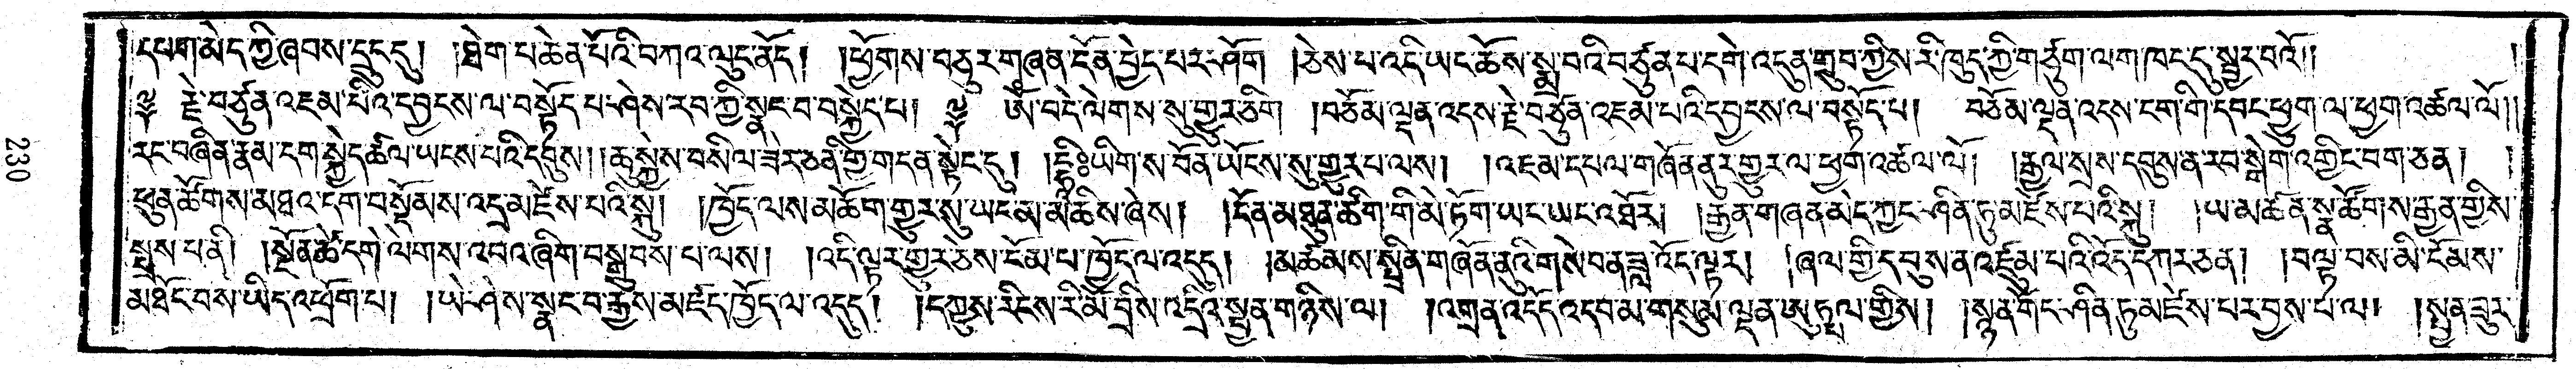དཔག་མེད་ཀྱི་ཞབས་དྲུང་དུ། །ཐེག་པ་ཆེན་པོའི་བཀའ་ལུང་ནོད། །ཕྱོགས་བཅུར་གཞན་དོན་བྱེད་པར་ཤོག །ཅེས་པ་འདི་ཡང་ཆོས་སྨྲ་བའི་བཙུན་པ་དགེ་འདུན་གྲུབ་ཀྱིས་རི་ཁུད་ཀྱི་གཙུག་ལག་ཁང་དུ་སྦྱར་བའོ།། །།
༈ རྗེ་བཙུན་འཇམ་པའི་དབྱངས་ལ་བསྟོད་པ་ཤེས་རབ་ཀྱི་སྣང་བ་བསྐྱེད་པ། ༈ ཨོཾ་བདེ་ལེགས་སུ་གྱུར་ཅིག །བཅོམ་ལྡན་འདས་རྗེ་བཙུན་འཇམ་པའི་དབྱངས་ལ་བསྟོད་པ། །བཅོམ་ལྡན་འདས་ངག་གི་དབང་ཕྱུག་ལ་ཕྱག་འཚལ་ལོ།།
རང་བཞིན་རྣམ་དག་སྐྱེད་ཚལ་ཡངས་པའི་དབུས། །ཆུ་སྐྱེས་བསིལ་ཟེར་ཅན་གྱི་གདན་སྟེང་དུ། །དྷཱིཿ ཡིག་ས་བོན་ཡོངས་སུ་གྱུར་པ་ལས། །འཇམ་དཔལ་གཞོན་ནུར་གྱུར་ལ་ཕྱག་འཚལ་ལོ། །རྒྱལ་སྲས་དབུས་ན་རབ་སྒེག་འགྱིང་བག་ཅན། །
ཕུན་ཚོགས་མཐའ་དག་བསྡོམས་འདྲ་མཛེས་པའི་སྐུ། །ཁྱོད་ལས་མཆོག་གྱུར་སུ་ཡང་མ་མཆིས་ཞེས། །དོན་མཐུན་ཚིག་གི་མེ་ཏོག་ཡང་ཡང་འཐོར། །རྒྱན་གཞན་མེད་ཀྱང་ཤིན་ཏུ་མཛེས་པའི་སྐུ། །ཡ་མཚོན་སྣ་ཚོགས་རྒྱན་གྱིས་
སྤྲས་པ་ནི། །སྔོན་ཚེ་དགེ་ལེགས་འབའ་ཞིག་བསྒྲུབས་པ་ལས། །འདི་ལྟར་གྱུར་ཅེས་ངོམ་པ་ཁྱོད་ལ་འདུད། །མཚམས་སྤྲིན་གཞོན་ནུའི་གསེབ་ན་ཟླ་འོད་ལྟར། །ཞལ་གྱི་དབུས་ན་འཛུམ་པའི་འོད་དཀར་ཅན། །བལྟ་བས་མི་ངོམས་
མཐོང་བས་ཡིད་འཕྲོག་པ། །ཡེ་ཤེས་སྣང་བ་རྒྱས་མཛད་ཁྱོད་ལ་འདུད། །དཀྱུས་རིངས་རིམ་བྲིས་འདྲའི་སྤྱན་གཉིས་ལ། །འགྲན་འདོད་འདབ་མ་གསུམ་ལྡན་ཨུཏྤལ་གྱིས། །སྙན་གོང་ཤིན་ཏུ་མཛེས་པར་བྱས་པ་ལ། །སྤྱན་ཟུར་